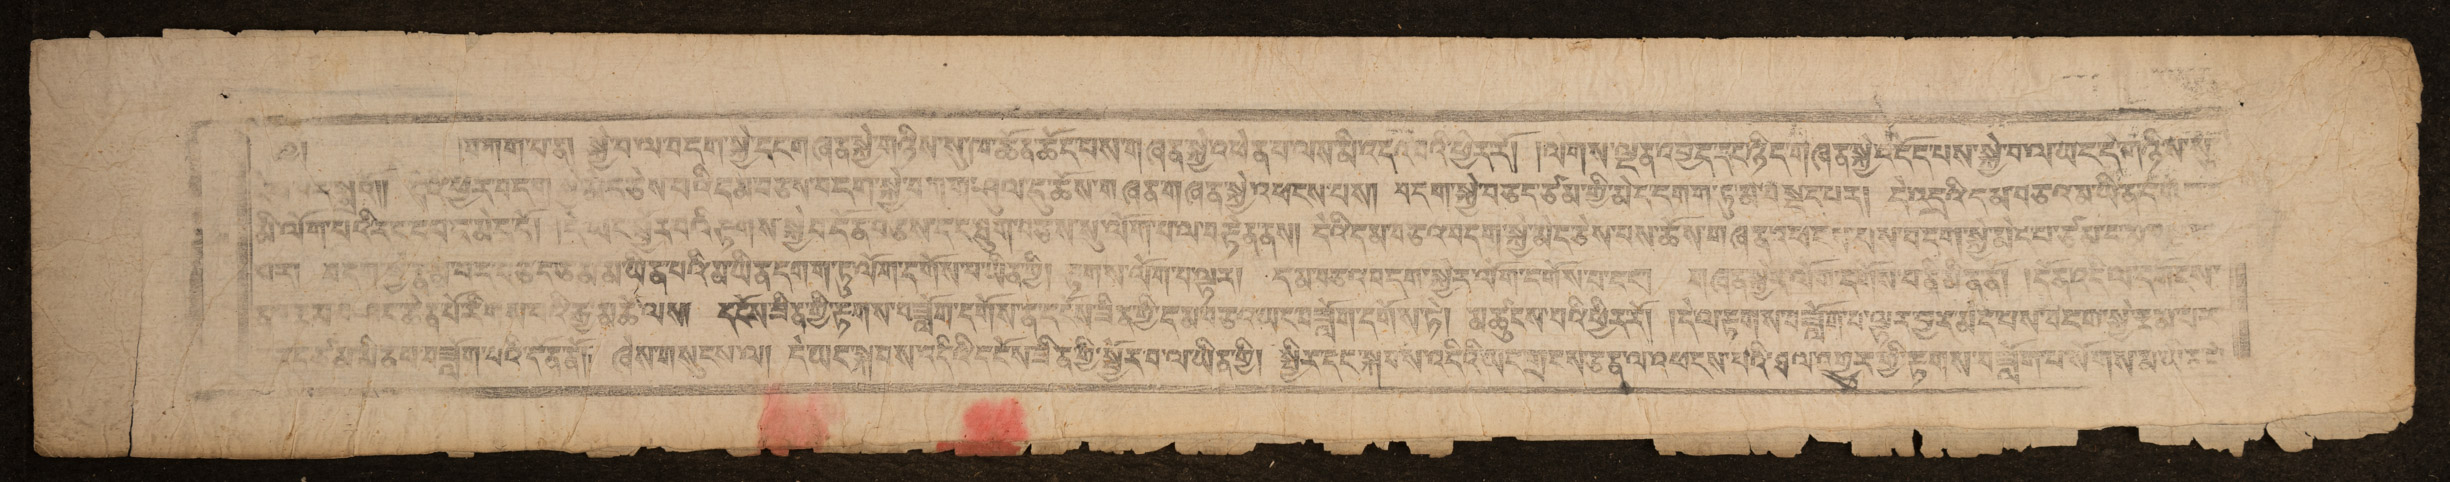༄༅། །བཀག་པ་ན། སྐྱེ་བ་ལ་བདག་སྐྱེ་དང་གཞན་སྐྱེ་གཉིས་སུ་ཁ་ཚོན་ཆོད་པས་གཞན་སྐྱེ་འཕེན་པ་ལས་མི་འདའ་བའི་ཕྱིར་རོ། །ལེགས་ལྡན་འབྱེད་རང་ཉིད་གཞན་སྐྱེ་འདོད་པས་སྐྱེ་བ་ལ་ཡང་དེ་གཉིས་སུ་
ངེས་པར་སྨྲའོ། །དེའི་ཕྱིར་བདག་སྐྱེ་མེད་ཅེས་པའི་དམ་བཅས་བདག་སྐྱེ་བཀག་ཤུལ་དུ་ཆོས་གཞན་གཞན་སྐྱེ་འཕངས་པས། བདག་སྐྱེ་བཅད་ཙམ་གྱི་མེད་དགག་ཏུ་མ་བསྡད་པར། དེ་འདྲའི་དམ་བཅའ་མ་ཡིན་དགག་ཏུ་
མི་ལོག་པའི་རང་དབང་མེད་དོ། །དེ་ཡང་སྦྱོར་བའི་རྟགས་སྐྱེ་བ་དོན་བཅས་དང་ཐུག་བཅས་སུ་ལོག་པ་ལ་བརྟེན་ནས། དེའི་དམ་བཅའ་བདག་སྐྱེ་མེད་ཅེས་པས་ཆོས་གཞན་འཕངས་པས་བདག་སྐྱེ་མེད་པ་ཙམ་དུ་མ་བསྡད་
པར༑ བདག་སྐྱེ་རྣམ་པར་བཅད་ཙམ་མ་ཡིན་པའི་མ་ཡིན་དགག་ཏུ་ལོག་དགོས་པ་ཡིན་གྱི། རྟགས་ལོག་པ་ལྟར། དམ་བཅའ་བདག་སྐྱེར་ལོག་དགོས་པ་དང་། གཞན་སྐྱེར་ལོག་དགོས་པ་ནི་མིན་ནོ། །དོན་འདི་ལ་དགོངས་
ནས་རྣམ་བཤད་ཆེན་པོ་རིགས་པའི་རྒྱ་མཚོ་ལས། དངོས་ཟིན་གྱི་རྟགས་བཟློག་དགོས་ན་དངོས་ཟིན་གྱི་དམ་བཅའ་ཡང་བཟློག་དགོས་ཏེ། མཚུངས་པའི་ཕྱིར་རོ། །དེ་ལ་རྟགས་བཟློག་པ་ལྟར་བྱར་མེད་པས་བདག་སྐྱེ་རྣམ་པར་
བཅད་ཙམ་མིན་པ་བཟློག་པའི་དོན་ནོ། །ཞེས་གསུངས་ལ། དེ་ཡང་སྐབས་འདིའི་དངོས་ཟིན་གྱི་སྦྱོར་བ་ལ་ཡིན་གྱི། སྤྱིར་དང་སྐབས་འདིའི་ཡང་གྲངས་ཅན་ལ་འཕངས་པའི་ཐལ་འགྱུར་གྱི་རྟགས་བཟློག་པ་སོགས་མ་ཡིན་ཏེ།